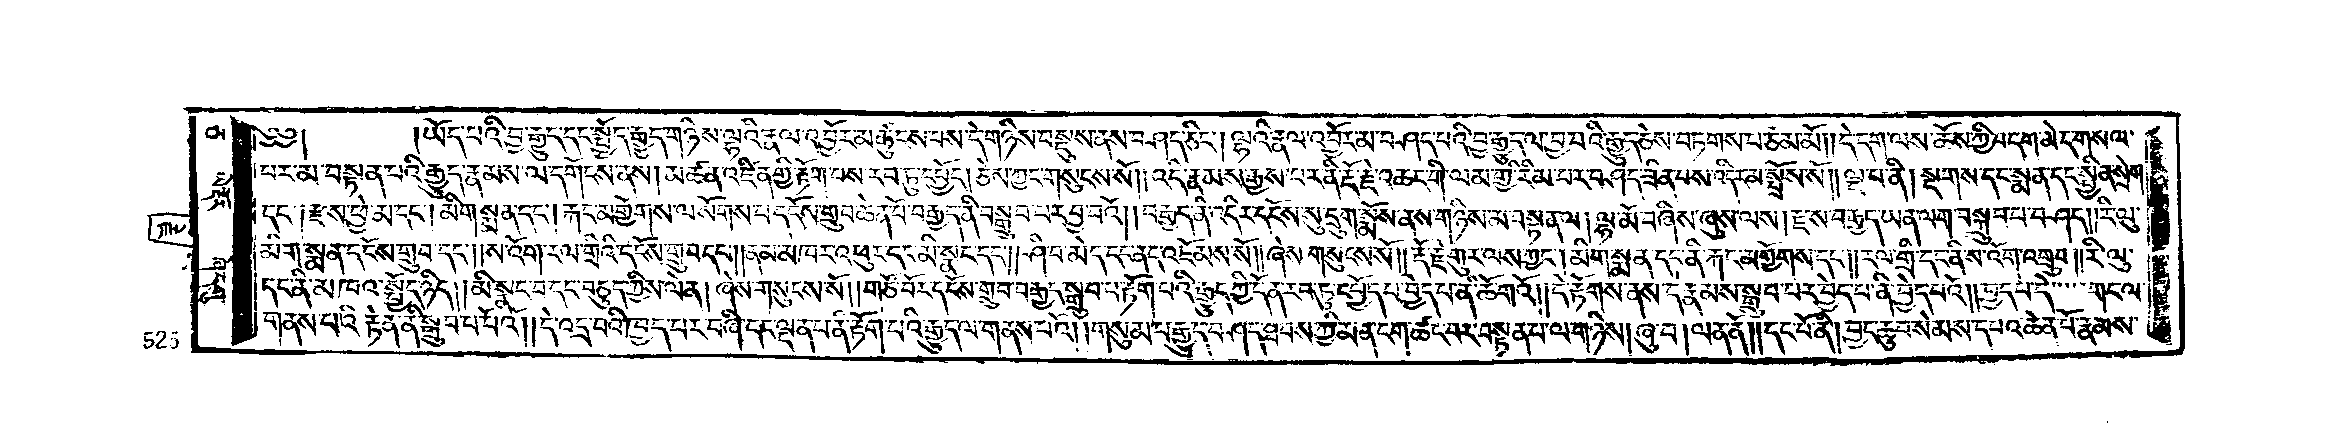༄༅། །ཡོད་པའི་བྱ་རྒྱུད་དང་སྤྱོད་རྒྱུད་གཉིས་ལྷའི་རྣལ་འབྱོར་མཚུངས་པས་དེ་གཉིས་བསྡུས་ནས་བཤད་ཅིང་། ལྷའི་རྣལ་འབྱོར་མ་བཤད་པའི་བྱ་རྒྱུད་ལ་བྱ་བའི་རྒྱུད་ཅེས་བཏགས་པ་ཙམ་མོ། །དེ་དག་ལས་ཆོས་ཀྱི་བདག་མེད་གསལ་
བར་མེ་བསྟན་པའི་རྒྱུད་རྣམས་ལ་དགོངས་ནས། མཚན་འཛིན་གྱི་རྟོག་པས་རབ་ཏུ་དཔྱོད། ཅེས་ཀྱང་གསུངས་སོ། །འདི་རྣམས་རྒྱས་པར་ནི་རྡོ་རྗེ་འཆང་གི་ལམ་གྱི་རིམ་པར་བཤད་ཟིན་པས་འདིར་མ་སྤྲོས་སོ། །ལྔ་པ་ནི། སྔགས་དང་སྨན་དང་སྦྱིན་སྲེག་
དང་། རྫས་ཕྱེ་མ་དང་། མིག་སྨན་དང་། རྐང་མགྱོགས་ལ་སོགས་པ་དངོས་གྲུབ་ཆེན་པོ་བརྒྱད་ནི་བསྒྲུབ་པར་བྱ་བའོ། །བརྒྱད་ནི་འདིར་དངོས་སུ་དྲུག་སྨོས་ནས་གཉིས་མ་བསྟན་ལ། ལྷ་མོ་བཞིས་ཞུས་ལས། རྫས་བརྒྱད་ཡན་ལག་བསྒྲུབ་པ་བཤད། །རི་ལུ་
མིག་སྨན་དངོས་གྲུབ་དང་། །ས་འོག་རལ་གྲིའི་དངོས་གྲུབ་དང་། །ནམ་མཁར་འཕུར་དང་མི་སྣང་དང་། །ཤི་བ་མེད་དང་ནད་འཇོམས་སོ། །ཞེས་གསུངས་སོ། །རྡོ་རྗེ་གུར་ལས་ཀྱང་། མིག་སྨན་དང་ནི་རྐང་མགྱོགས་དང་། །རལ་གྲི་དང་ནི་ས་འོག་འགྲུབ། །རི་ལུ་
དང་ནི་མཁའ་སྤྱོད་ཉིད། །མི་སྣང་བ་དང་བཅུད་ཀྱིས་ལེན། ཞེས་གསུངས་སོ། །གཙོ་བོར་དངོས་གྲུབ་བརྒྱད་སྒྲུབ་པ་རྟོག་པའི་རྒྱུད་ཀྱི་དོན་རབ་ཏུ་དཔྱོད་པ་བྱེད་པ་ནི་ཆོ་གའོ། །དེ་རྟོགས་ནས་དེ་རྣམས་སྒྲུབ་པར་བྱེད་པ་ནི་བྱེད་པའོ། །བྱད་པ་དེ་གང་ལ་
གནས་པའི་རྟེན་ནི་སྒྲུབ་པ་པོའོ། །དེ་འདྲ་བའི་ཁྱད་པར་བཞི་དང་ལྡན་པ་ནི་རྟོག་པའི་རྒྱུད་ལ་གནས་པའོ། །གསུམ་པ་རྒྱུད་བཤད་ཐབས་ཀྱི་མན་ངག་ཚང་བར་བསྟན་པ་ལ་གཉིས། ཞུ་བ། ལན་ནོ། །དང་པོ་ནི། བྱང་ཆུབ་སེམས་དཔའ་ཆེན་པོ་རྣམས་